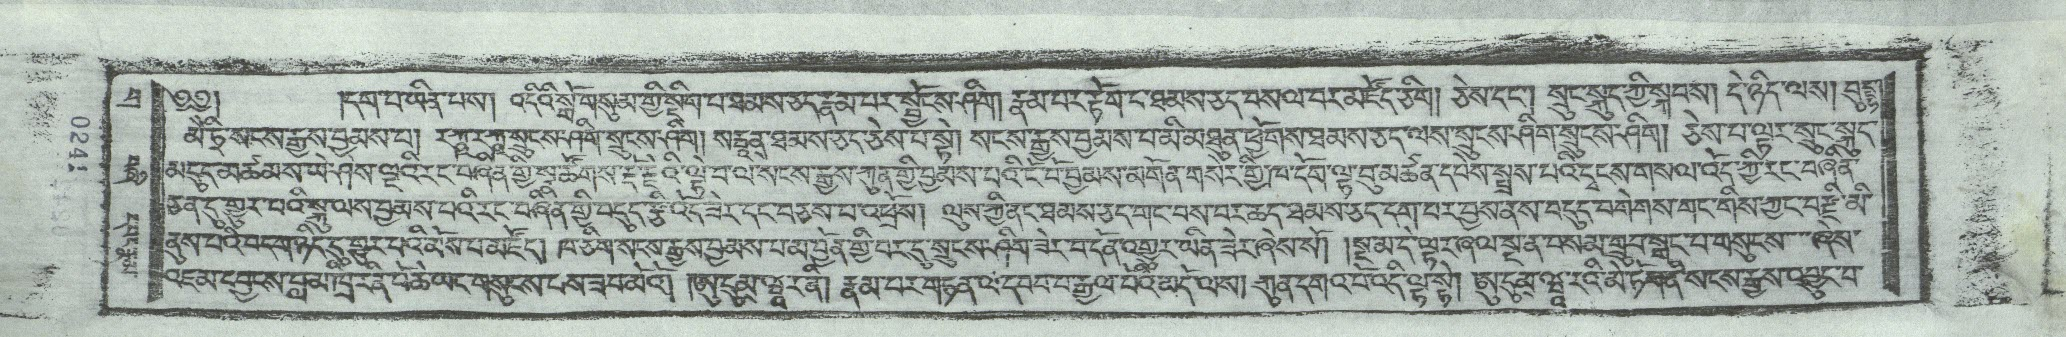༄༅། །དག་པ་ཡིན་པས། འདིའི་སྒོ་གསུམ་གྱི་སྡིག་པ་ཐམས་ཅད་རྣམ་པར་སྦྱོངས་ཤིག། རྣམ་པར་རྟོག་པ་ཐམས་ཅད་བསལ་བར་མཛོད་ཅིག། ཅེས་དང་། སྲུང་སྐུད་ཀྱི་སྐབས། དེ་ཉིད་ལས། བུདྡྷ་
མཻ་ཏྲི་སངས་རྒྱས་བྱམས་པ། རཀྵ་རཀྵ་སྲུངས་ཤིག་སྲུངས་ཤིག། སརྦཱན་ཐམས་ཅད་ཅེས་པ་སྟེ། སངས་རྒྱས་བྱམས་པ་མི་མཐུན་ཕྱོགས་ཐམས་ཅད་ལས་སྲུངས་ཤིག་སྲུངས་ཤིག། ཅེས་པ་ལྟར་སྲུང་སྐུད་
མདུད་མཚམས་ཡེ་ཤེས་ལྔའི་རང་བཞིན་གྱི་སྣ་ཚོགས་རྡོ་རྗེའི་ལྟེ་བ་ལ་སངས་རྒྱས་ཀུན་གྱི་བྱམས་པའི་ངོ་བོ་བྱམས་མགོན་གསེར་གྱི་ཁ་དོག་ལྟ་བུ་མཚན་དཔེས་སྤྲས་པའི་དྭངས་གསལ་འོད་ཀྱི་རང་བཞིན་
ཅན་དུ་གྱུར་པའི་སྐུ་ལས་བྱམས་པའི་རང་བཞིན་གྱི་བདུད་རྩི་འོད་ཟེར་དང་བཅས་པ་འཕྲོས། ལུས་ཀྱི་ནང་ཐམས་ཅད་གང་བས་བར་ཆད་ཐམས་ཅད་དག་པར་བྱས་ནས་བདུད་བགེགས་གང་གིས་ཀྱང་བརྫི་མི་
ནུས་པའི་བདག་ཉིད་དུ་གྱུར་པའི་མོས་པ་མཛོད། ཁ་ཅིག་སངས་རྒྱས་བྱམས་པ་མ་བྱོན་གྱི་བར་དུ་སྲུངས་ཤིག་ཟེར་བ་དོན་འགྱུར་ཡིན་ཟེར་ཞེས་སོ། །སྔ་མ་དེ་ལྟར་ཞལ་སྔ་ན་བསམ་གྲུབ་སྒང་པ་གསུངས་ཞེས་
འཇམ་དབྱངས་བླ་མ་ཁྲི་རིན་པོ་ཆེ་ཡང་གསུངས་པས་ཟབ་མོའོ། །ཨུ་དུམ་ཝཱ་ར་ནི། རྣམ་པར་གཏན་ལ་དབབ་པ་རྒྱལ་པོའི་མདོ་ལས། ཀུན་དགའ་བོ་འདི་ལྟ་སྟེ། ཨུ་དུམ་ཝཱ་རའི་མེ་ཏོག་ནི་སངས་རྒྱས་འབྱུང་བ་